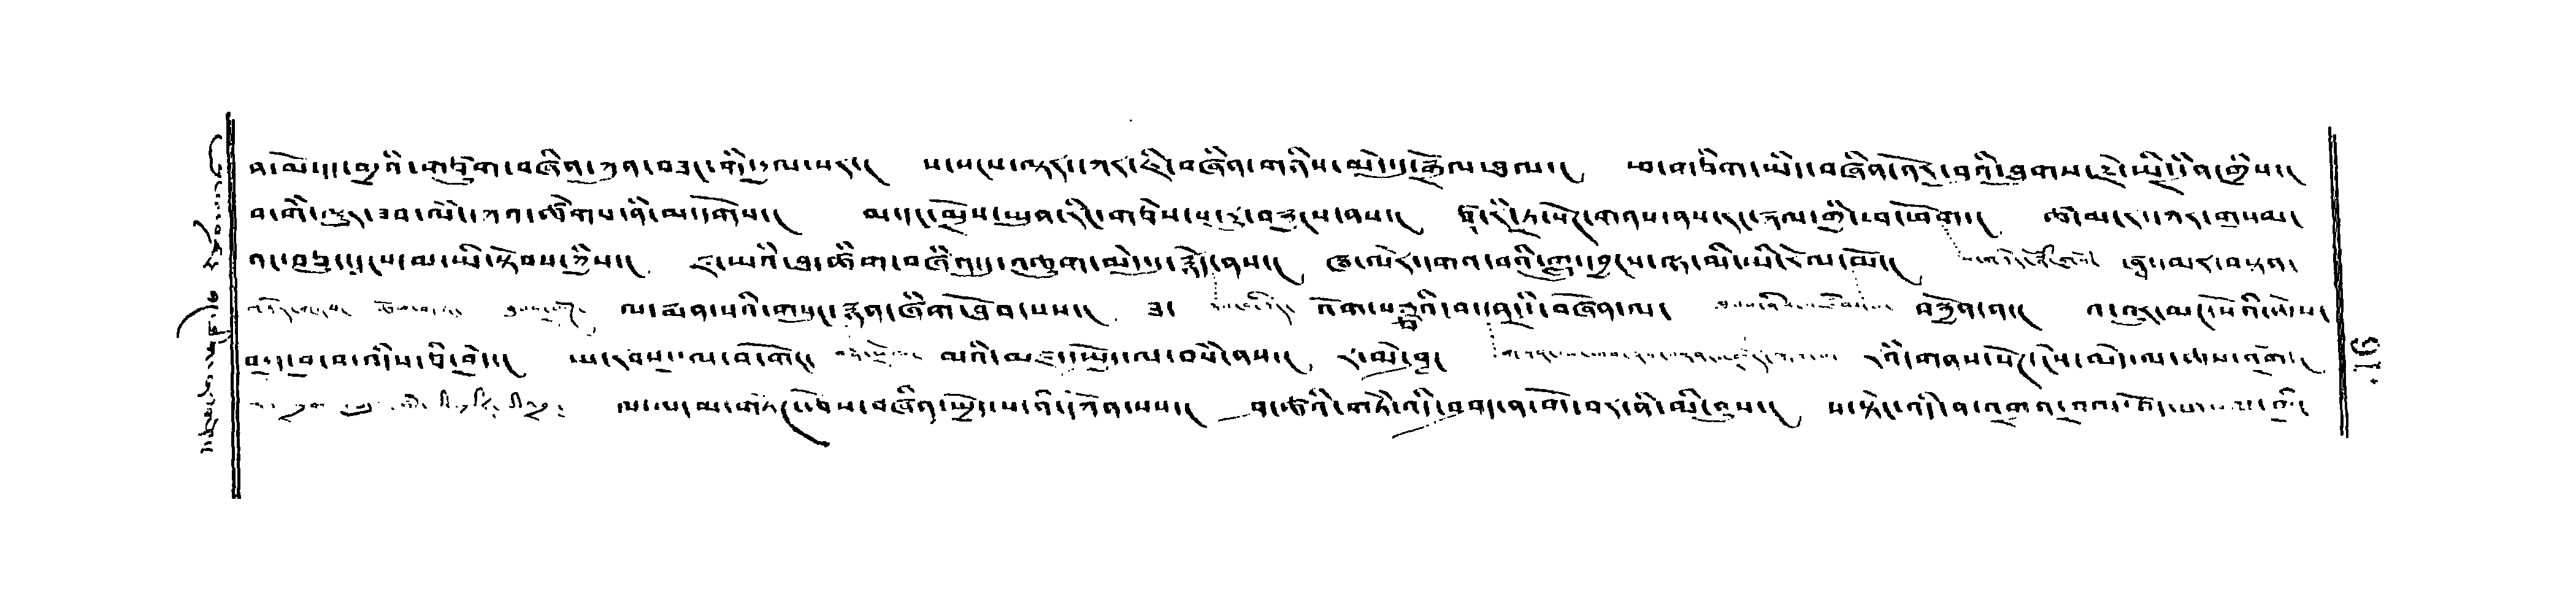།ན་མོ་དད་བརྒྱའི་གཙུག་བཞིན་ཀུན་བཟང་གི་རྒྱལ་སར། །པ་སངས་ལྟར་དཀར་ཇི་བཞིན་གཉིས་མེད་དུ་གྲོལ་ཐལ། །ཕ་གཅིག་ཡིད་བཞིན་ནོར་བུའི་ཐུགས་རྗེ་ཡི་དྲིན་གྱིས། །
བ་གམ་ལྟ་བུར་ཟབ་ལམ་དཀའ་ཚེགས་ནི་མ་དགོས། །མ་དང་མཁའ་འགྲོས་ཡུན་རིང་གཅེས་པ་རུ་བསྐྱངས་ནས། །ཙཱ་རི་ཏྲ་སོགས་གནས་ནས་རང་སྐལ་གྱི་ཕ་ཕོག །ཚྭ་མངར་དཀར་གསུམ་
ནང་བཅུད་དྭངས་མ་ཡི་སྟོབས་ཀྱིས། །ཛ་ཡའི་ཐ་ཚིག་བཞིན་དུ་འཆུག་མེད་དུ་རྙེད་ནས། །ཝ་ལེར་དགའ་བའི་གླུ་དབྱངས་ལྷ་མི་ཡི་རོལ་མོ། །ཞྭ་དམར་བསྟན་
ལ་སྨན་པའི་གསུང་སྙན་ཞིག་ཐོབ་པས། །ཟ་འོག་པཉྩའི་བ་དན་དྲི་བཞོན་ལ་བསྐྱོན་ན། །འ་འུར་མང་པོའི་ཆོས་
བརྒྱད་བྱ་བ་འདིས་ཅི་བྱེད། །ཡ་རབས་རྒྱལ་བ་གོང་མའི་མཛད་སྤྱོད་ལ་བསམ་ནས། །ར་མེ་ཤྭ་རའི་གནས་སོགས་ངེས་མེད་ལ་ཆས་འགྲོ། །
ལ་ལ་མ་གཏོགས་ཆོས་བཞིན་སྤྱོད་པ་ནི་དཀོན་པས། །ཤ་ཚའི་གཏམ་འདི་བཤད་ན་གོ་བར་ནི་མི་ནུས། །ས་སྟེང་འདི་བ་འགྲན་བྲལ་འོད་གསལ་གྱི་